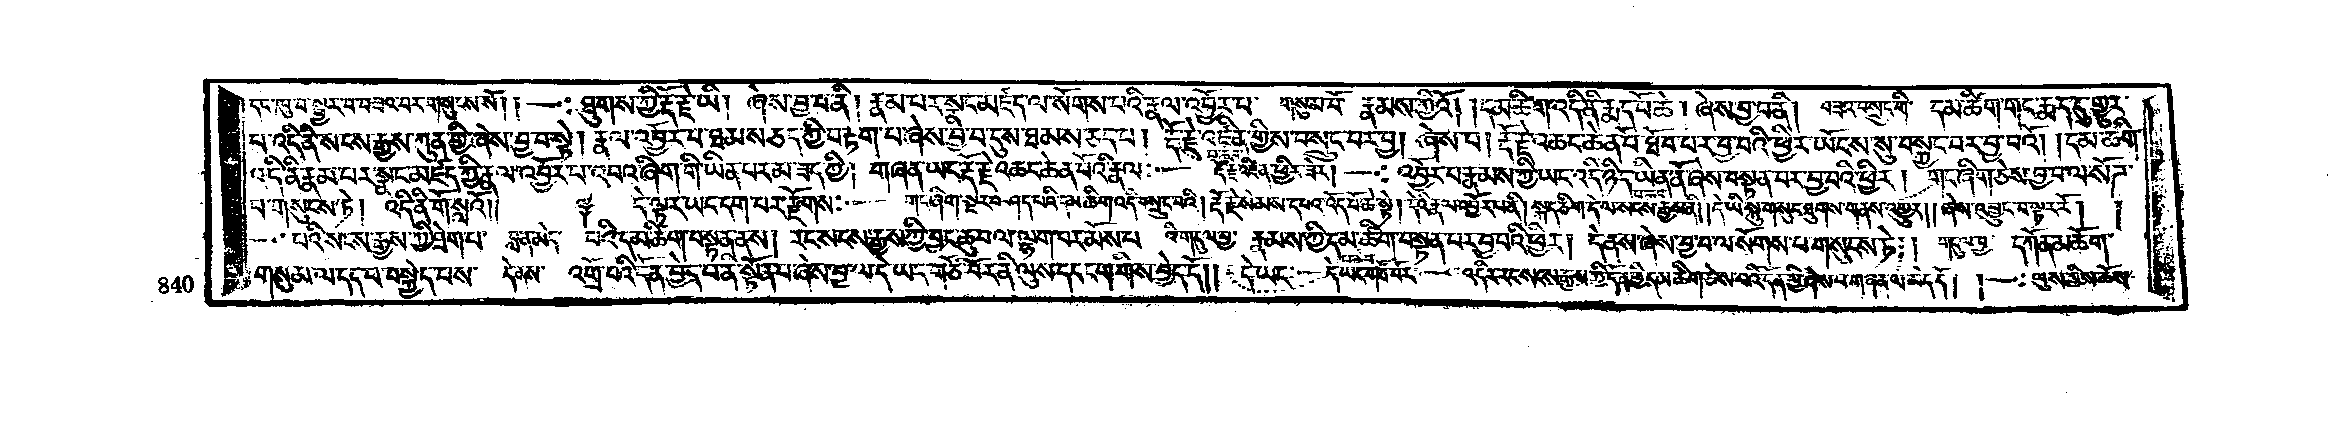དང་ཁུ་བ་སྦྱར་བ་བཟའ་བར་གསུངས་སོ། ། .H ཐུགས་ཀྱི་རྡོ་རྗེ་ཡི། ཞེས་བྱ་བ་ནི། རྣམ་པར་སྣང་མཛད་ལ་སོགས་པའི་རྣལ་འབྱོར་པ་གསུམ་པོ་རྣམས་ཀྱིའོ། །དམ་ཚིག་འདི་ནི་རྨད་པོ་ཆེ། ཞེས་བྱ་བ་ནི། བཟའ་བསྲུང་གི་དམ་ཚིག་གང་རྨད་དུ་གྱུར་
པ་འདི་ནི་སངས་རྒྱས་ཀུན་གྱི་ཞེས་བྱ་བ་སྟེ། རྣལ་འབྱོར་པ་ཐམས་ཅད་ཀྱི་བརྟག་པ་ཞེས་བྱ་བ་དུས་ཐམས་ཅད་པ། རྡོ་རྗེ་འཛིན་གྱིས་བསྲུང་བར་བྱ། ཞེས་པ། རྡོ་རྗེ་འཆང་ཆེན་པོ་ཐོབ་པར་བྱ་བའི་ཕྱིར་ཡོངས་སུ་བསྐྱང་བར་བྱ་བའོ། །དམ་ཚིག་
འདི་ནི་རྣམ་པར་སྣང་མཛད་ཀྱི་རྣལ་འབྱོར་པ་འབའ་ཞིག་གི་ཡིན་པར་མ་ཟད་ཀྱི། གཞན་ཡང་རྡོ་རྗེ་འཆང་ཆེན་པོའི་རྣལ་H.་པ་ཚབ་རྡོ་རྗེ་འཛིན་ཕྱིར་ཟེར།  .H འབྱོར་པ་རྣམས་ཀྱི་ཡང་འདི་ཉིད་ཡིན་ནོ་ཞེས་བསྟན་པར་བྱ་བའི་ཕྱིར། གང་ཞིག་ཅེས་བྱ་བ་ལ་སོགས་
པ་གསུངས་ཏེ། འདི་ནི་གོ་སླའོ།། ༈ དེ་ལྟར་ཡང་དག་པར་རྫོགས་H.་གང་ཞིག་སྔར་བཤད་པའི་དམ་ཚིག་འདི་བསྲུང་བའི། རྡོ་རྗེ་སེམས་དཔའ་འོད་པོ་ཆེ་སྟེ། དེའི་རྣལ་འབྱོར་པ་ནི། སྐད་ཅིག་དེ་ལ་སངས་པ་ཚབ་རྒྱས་ནི། །དེ་ཡི་སྐུ་གསུང་ཐུགས་གནས་འགྱུར། །ཞེས་འབྱུང་བ་ལྟར་རོ། །
.H པའི་སངས་རྒྱས་ཀྱི་ཐེག་པ་བླ་ན་མེད་པའི་དམ་ཚིག་བསྟན་ནས། རང་སངས་རྒྱས་ཀྱི་བྱང་ཆུབ་ལ་ལྷག་པར་མོས་པའི་གདུལ་བྱ་རྣམས་ཀྱི་དམ་ཚིག་བསྟན་པར་བྱ་བའི་ཕྱིར། དེ་ནས་ཞེས་བྱ་བ་ལ་སོགས་པ་གསུངས་ཏེ། གདུལ་བྱ་དཀོན་མཆོག་
གསུམ་ལ་དད་པ་བསྐྱེད་པས་དེ་ནས་འགྲོ་བའི་དོན་བྱེད་པ་ནི་སྟོན་པ་ཞེས་བྱ་ལ་དེ་ཡང་གཙོ་བོར་ནི་ལུས་དང་ངག་གིས་བྱེད་དོ། །དེ་ཡང་H.་དེ་ཡང་པ་ཚབ་གཙོ་བོར་H.་འདིར་རང་སངས་རྒྱས་ཀྱི་དོན་གྱི་དམ་ཚིག་ཅེས་པའི་དོན་གྱི་ཞེས་པ་གཞན་ལ་མེད་དོ། །.H ལུས་ཀྱི་ཆོས་